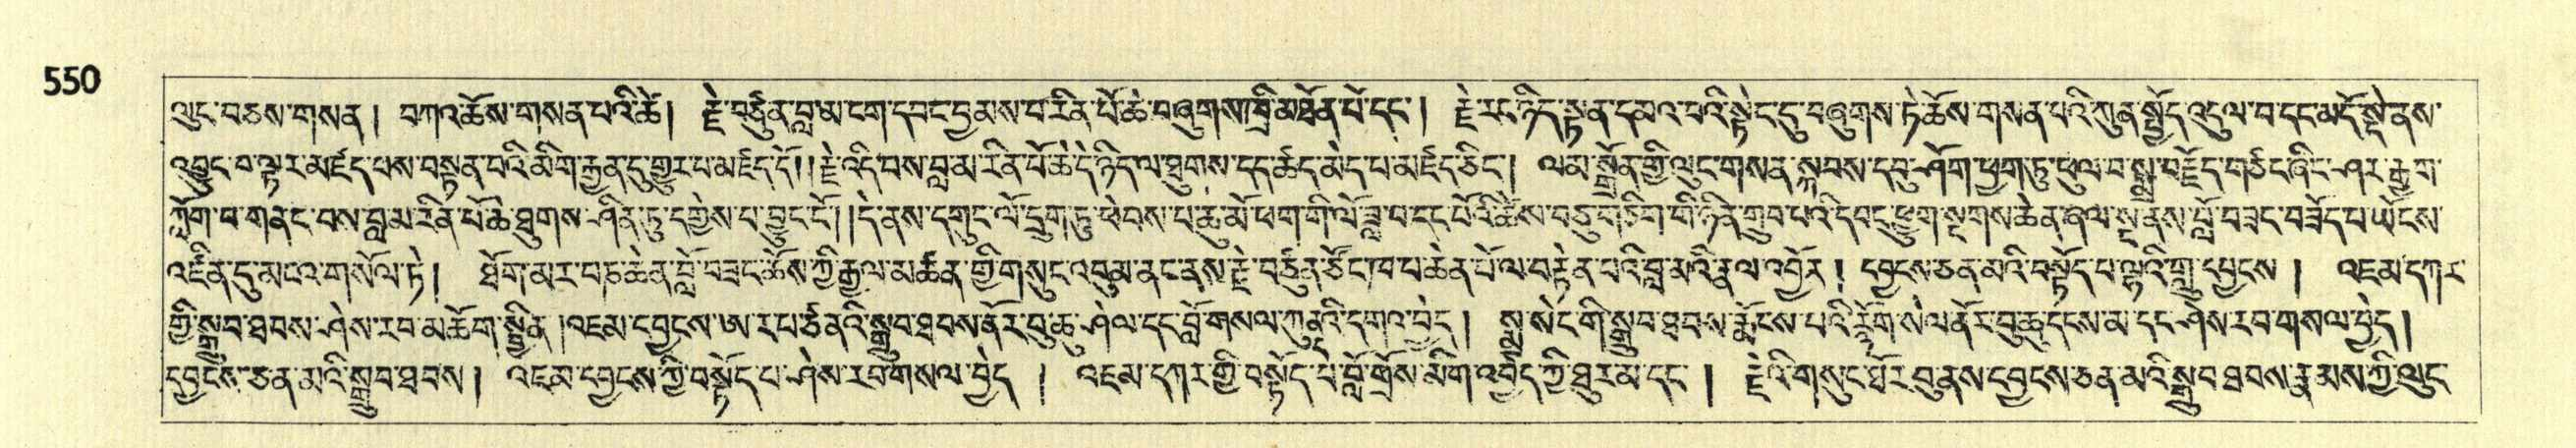ལུང་བཅས་གསན། བཀའ་ཆོས་གསན་པའི་ཚེ། རྗེ་བཙུན་བླ་མ་ངག་དབང་བྱམས་པ་རིན་པོ་ཆེ་བཞུགས་ཁྲི་མཐོན་པོ་དང་། རྗེ་རང་ཉིད་སྟན་དམའ་བའི་སྟེང་དུ་བཞུགས་ཏེ་ཆོས་གསན་པའི་ཀུན་སྤྱོད་འདུལ་བ་དང་མདོ་སྡེ་ནས་
འབྱུང་བ་ལྟར་མཛད་པས་བསྟན་བའི་མིག་རྒྱན་དུ་གྱུར་པ་མཛད་དོ། །རྗེ་འདི་པས་བླ་མ་རིན་པོ་ཆེ་དེ་ཉིད་ལ་ཐུགས་དད་ཚད་མེད་པ་མཛད་ཅིང་། ལམ་སྒྲོན་གྱི་ལུང་གསན་སྐབས་དབུ་ཤོག་ཕྱག་ཏུ་ཕུལ་བ་སྨྲ་བརྗོད་གཙང་ཞིང་ཤར་རྒྱག་
ཀློག་པ་གནང་བས་བླ་མ་རིན་པོ་ཆེ་ཐུགས་ཤིན་ཏུ་དགྱེས་པ་བྱུང་ངོ། །དེ་ནས་དགུང་ལོ་དྲུག་ཏུ་ཕེབས་པ་ཆུ་མོ་ཕག་གི་ལོ་ཟླ་བ་དང་པོའི་ཚེས་བཅུ་གཅིག་གི་ཉིན་གྲུབ་པའི་དབང་ཕྱུག་སྔགས་ཆེན་ཞལ་སྔ་ནས་བློ་བཟང་བཟོད་པ་ཡོངས་
འཛིན་དུ་མངའ་གསོལ་ཏེ། ཐོག་མར་པཎ་ཆེན་བློ་བཟང་ཆོས་ཀྱི་རྒྱལ་མཚན་གྱི་གསུང་འབུམ་ནང་ནས་རྗེ་བཙུན་ཙོང་ཁ་པ་ཆེན་པོ་ལ་བརྟེན་པའི་བླ་མའི་རྣལ་འབྱོར། དབྱངས་ཅན་མའི་བསྟོད་པ་ལྷའི་གླུ་དབྱངས། འཇམ་དཀར་
གྱི་སྒྲུབ་ཐབས་ཤེས་རབ་མཆོག་སྦྱིན། འཇམ་དབྱངས་ཨ་ར་པ་ཙ་ནའི་སྒྲུབ་ཐབས་ནོར་བུ་ཆུ་ཤེལ་དང་བློ་གསལ་ཀུནྡའི་དགའ་བྱེད། སྨྲ་སེང་གེ་སྒྲུབ་ཐབས་རྨོངས་པའི་རྙོག་སེལ་ནོར་བུ་ཆུ་དངས་མ་དང་ཤེས་རབ་གསལ་བྱེད།
དབྱངས་ཅན་མའི་སྒྲུབ་ཐབས། འཇམ་དབྱངས་ཀྱི་བསྟོད་པ་ཤེས་རབ་གསལ་བྱེད། འཇམ་དཀར་གྱི་བསྟོད་པ་བློ་གྲོས་མིག་འབྱེད་ཀྱི་ཐུར་མ་དང་། རྗེའི་གསུང་ཐོར་བུ་ནས་དབྱངས་ཅན་མའི་སྒྲུབ་ཐབས་རྣམས་ཀྱི་ལུང་